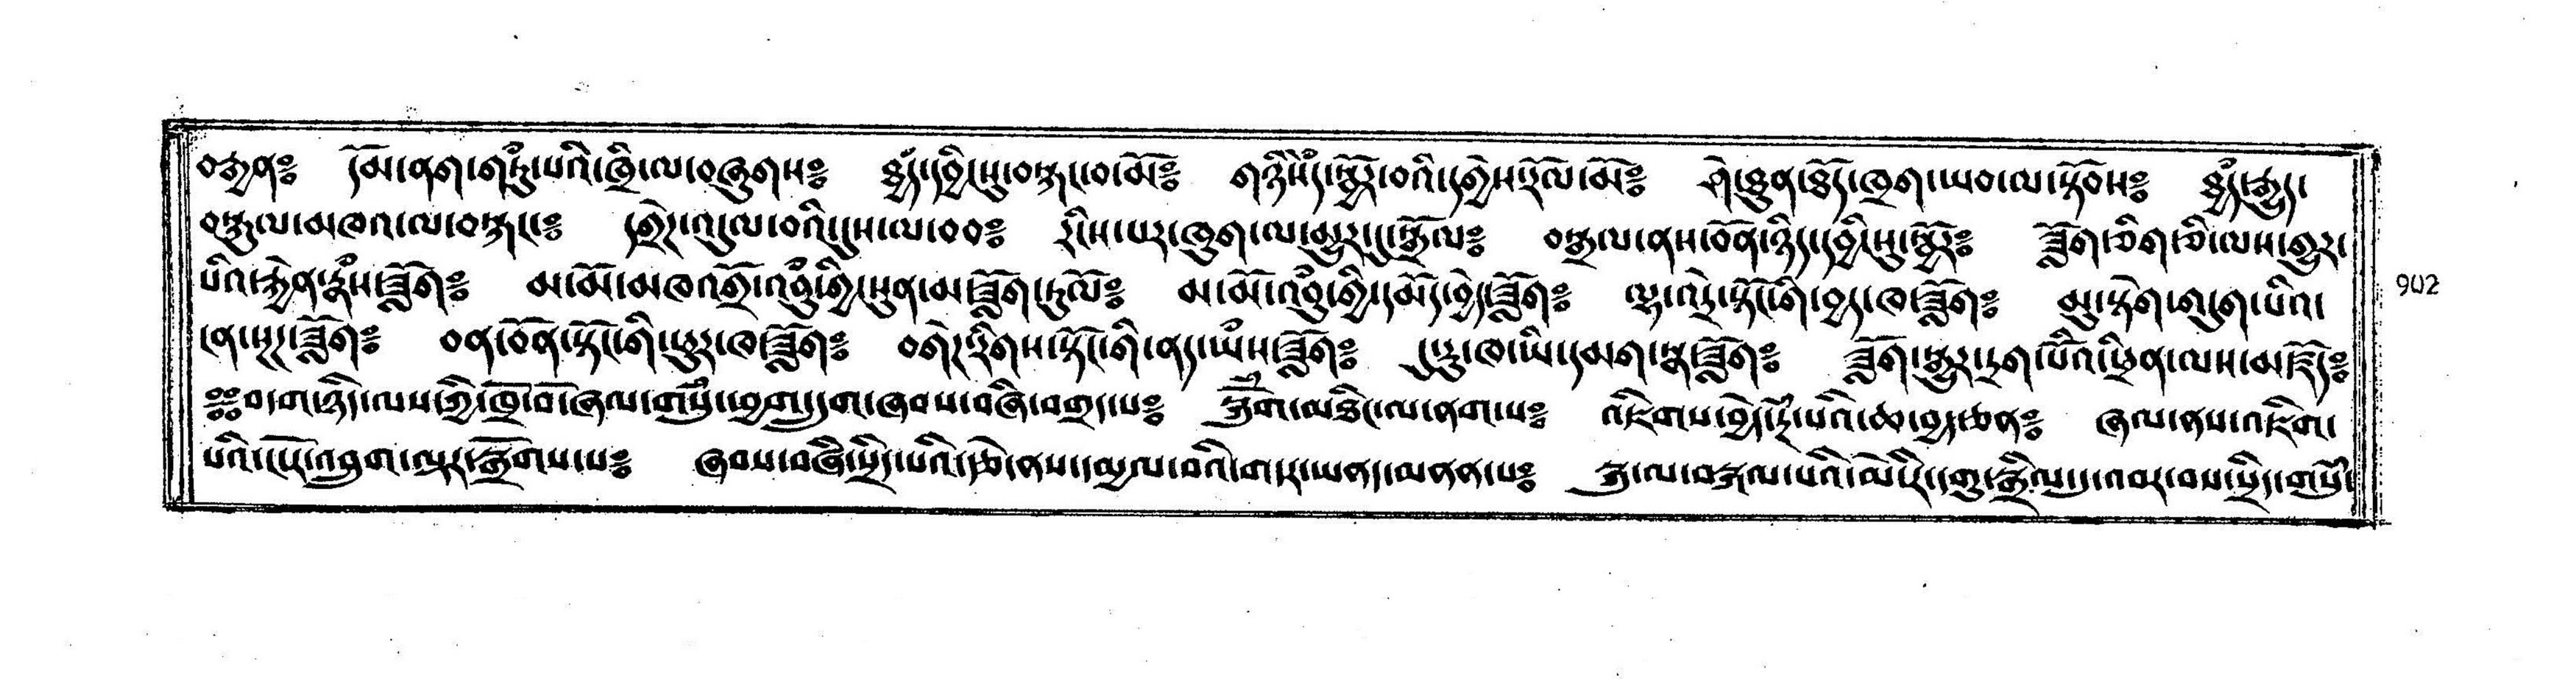བརྒྱན༔ དོམ་ནག་གཏུམ་པའི་ཁྲི་ལ་བཞུགས༔ ཐུགས་དམ་དབྱིངས་སུ་བསྐང་བ་མོ༔ གཉིས་མེད་སྦྱོར་བའི་དགྱེས་རོལ་མོ༔ ཤེ་ཐུན་ཐོད་ཁྲག་ཡབ་ལ་སྟོབས༔ ཐུགས་དམ་རྒྱུད་
བསྐུལ་མཁའ་ལ་བསྐང་༔ དགྲ་བགེགས་འདུལ་བའི་དུས་ལ་བབ༔ རིངས་པར་ཁུག་ལ་མྱུར་དུ་སྒྲོལ༔ བསྒྲལ་ནས་བོན་ཉིད་དབྱིངས་སུ་སྦྱོར༔ ཟློག་ཅིག་ཅི་ལས་གྱུར་
པའི་རྐྱེན་རྣམས་ཟློག༔ མ་མོ་མཁའ་འགྲོ་འབུམ་གྱི་སུན་མ་ཟློག་ཏུ་གསོལ༔ མ་མོ་འབུམ་གྱི་དམོད་བྱེད་ཟློག༔ ལྷ་འདྲེ་སྟོང་གི་བྱད་ཁ་ཟློག༔ མུ་སྟེག་གདུག་པའི་
ངན་སྔགས་ཟློག༔ བན་བོན་སྟོང་གི་ཕུར་ཁ་ཟློག༔ བགེགས་རིགས་སྟོང་གི་ནད་ཡམས་ཟློག༔ དུ་རུ་ཁ་ཡི་དམག་སྣ་ཟློག༔ ཟློག་སྒྱུར་དྲག་པོའི་ཕྲིན་ལས་མཛོད༔ 
༔༔བདག་ཉིད་ལས་ཀྱི་ཁྲོ་བོ་ཞལ་གསུམ་ཕྱག་དྲུག་ཞབས་བཞི་བགྲད་པ༔ སྐུ་མདོག་མཐིང་ལ་ནག་པ༔ འཇིགས་བྱེད་རྔམ་པའི་ཆ་བྱད་ཅན༔ ཞལ་ནས་འཇིག་
པའི་ང་རོ་འབྲུག་ལྟར་སྒྲོགས་པ༔ ཞབས་བཞི་སྲིད་པའི་རྩེ་ནས་དམྱལ་བའི་གདར་ཡན་ཆད་མནན་པ༔ སྐུ་ལ་བསྐལ་པའི་མེ་རི་དགུ་སྒྲིལ་དུ་འབར་བས་སྲིད་གསུམ་